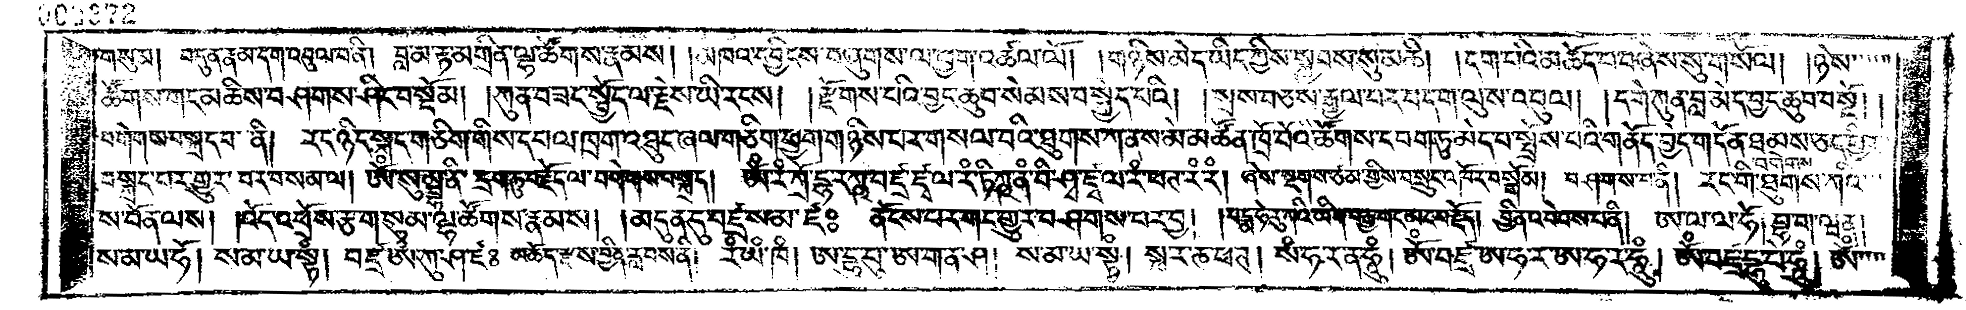གསུམ། བདུན་རྣམ་དག་འབུལ་བ་ནི། བླ་མ་རྟ་མགྲིན་ལྷ་ཚོགས་རྣམས། །མཁའ་དབྱིངས་བཞུགས་ལ་ཕྱག་འཚལ་ལོ། །གཉིས་མེད་ཡིད་ཀྱིས་སྐྱབས་སུ་མཆི། །དག་པའི་མཆོད་པ་བཞེས་སུ་གསོལ། །ཉེས་
ཚོགས་གང་མཆིས་བཤགས་ཤིང་བསྡོམ། །ཀུན་བཟང་སྤྱོད་ལ་རྗེས་ཡི་རངས། །རྫོགས་པའི་བྱང་ཆུབ་སེམས་བསྐྱེད་པའི། །སྲས་བཅས་རྒྱལ་བར་བདག་ལུས་འབུལ། །དགེ་ཀུན་བླ་མེད་བྱང་ཆུབ་བསྔོ། །
བགེགས་བསྐྲད་པ་ནི།  རང་ཉིད་སྐད་གཅིག་གིས་དཔལ་ཁྲག་འཐུང་ཞལ་གཅིག་ཕྱག་གཉིས་པར་གསལ་བའི་ཐུགས་ཀ་ནས་མེ་མཚོན་ཁྲོ་བོའི་ཚོགས་དཔག་ཏུ་མེད་པ་སྤྲོས་པའི་གནོད་བྱེད་གདོན་ཐམས་ཅད་ཕྱིར་
བསྐྲད་པར་གྱུར་བར་བསམ་ལ།  ཨོཾ་སུམྦྷ་ནི་དྲག་ཏུ་བརྗོད་ལ་བགེགས་བསྐྲད།  ཨོཾ་རཾ་ཀྲོ་དྷ་རཀྵ་བཛྲ་ཛྭ་ལ་རཾ་ཏིཀྵ་ནཾ་བི་ཤྭ་ཛྭ་ལ་རཾ་ཕཊ་རཾ་རཾ། ཞེས་སྔགས་ཙམ་གྱིས་བསྲུང་འཁོར་བསྒོམ། བཤགས་པ་ནི།  རང་གི་ཐུགས་ཀའི་
ས་བོན་ལས། །འོད་འཕྲོས་རྩ་གསུམ་ལྷ་ཚོགས་རྣམས། །མདུན་དུ་བཛྲ་ས་མ་ཛཿ ནོངས་པར་གང་གྱུར་བཤགས་པར་བྱ། ། པདམ་ཧེ་རུ་ཀའི་ཡིག་བརྒྱ་གང་མང་བརྗོད། བྱིན་འབེབས་པ་ནི།  ཨ་ལ་ལ་ཧོ། བྷ་ག་ཝན།
ས་མ་ཡ་ཧོ། ས་མ་ཡ་སྟཾ། བཛྲ་ཨཾ་ཀུ་ཤ་ཛཿ མཆོད་རྫས་བྱིན་རླབས་ནི།  རཾ་ཡཾ་ཁཾ། ཨ་དྷུ་པུ་ཨ་ག་ན་ཤ། ས་མ་ཡ་སྟྭཾ། སྥ་ར་ཎ་ཕཊ། སཾ་ཧ་ར་ན་ཧཱུཾ། ཨོཾ་བཛྲ་ཨ་ཧ་ར་ཨ་ཧ་ར་ཧཱུཾ། ཨོཾ་བཛྲ་དྷུ་པེ་ཧཱུཾ། ཨོཾ་